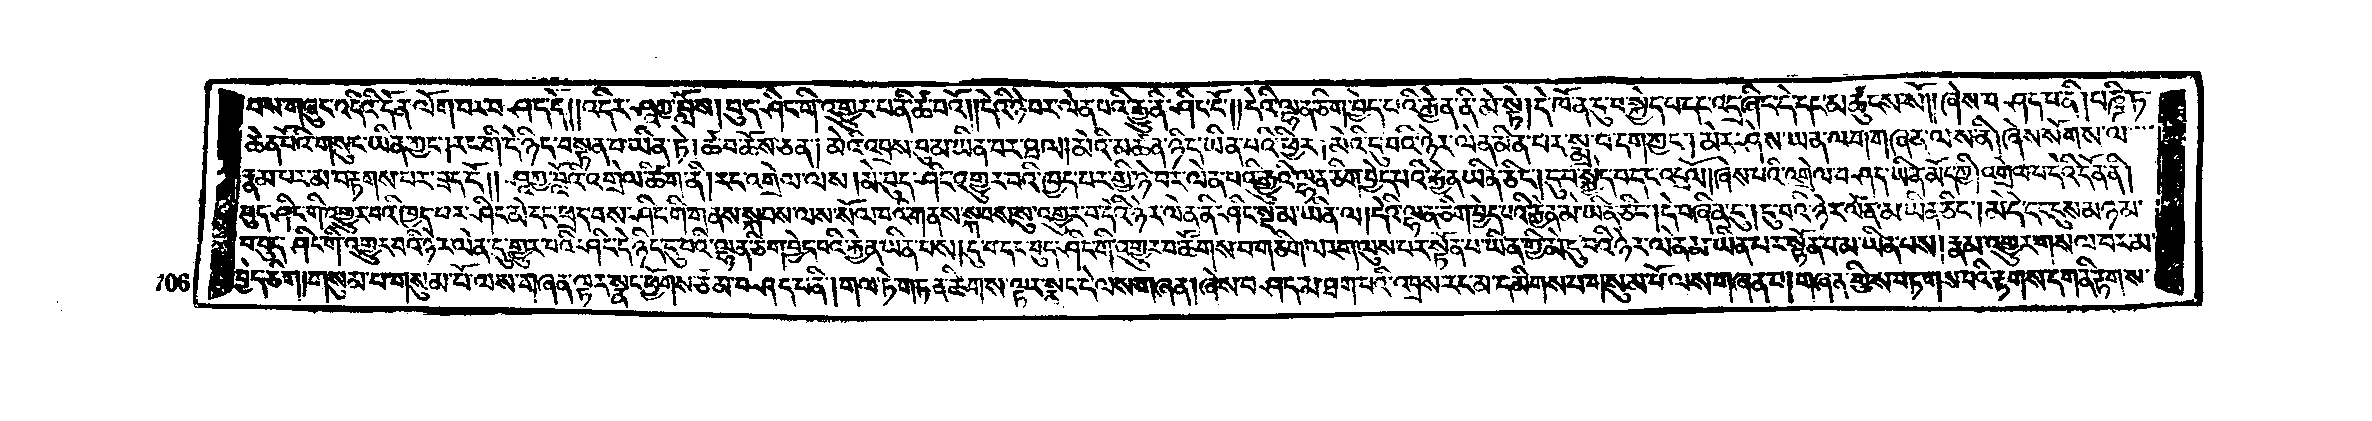བས་གཞུང་འདིའི་དོན་ལོག་པར་བཤད་དོ། །འདིར་ཤཱཀྱ་བློས། བུད་ཤིང་གི་འགྱུར་པ་ནི་ཚ་བའོ། །དེའི་ཉེ་བར་ལེན་པའི་རྒྱུ་ནི་ཤིང་ངོ། །དེའི་ལྷན་ཅིག་བྱེད་པའི་རྐྱེན་ནི་མེ་སྟེ། དེ་ཁོ་ན་དུ་བ་སྐྱེད་པ་དང་འདྲ་ཞིང་དེ་དང་མཚུངས་སོ། །ཞེས་བཤད་པ་ནི། པཎྜི་ཏ་
ཆེན་པོའི་གསུང་ཡིན་ཀྱང་། རང་གི་དེ་ཉིད་བསྟན་པ་ཡིན་ཏེ། ཚ་བ་ཆོས་ཅན། མེའི་འབྲས་བུ་མ་ཡིན་པར་ཐལ། མེའི་མཚན་ཉིད་ཡིན་པའི་ཕྱིར། མེའི་དུ་བའི་ཉེར་ལེན་མིན་པར་སྨྲ་བ་དག་ཀྱང་། མེར་ཤེས་ཡན་ལག་གཞན་ལས་ནི། ཞེས་སོགས་ལ་
རྣམ་པར་མ་བརྟགས་པར་ཟད་དོ། །ཤཱཀྱ་བློའི་འགྲེལ་ཚིག་ནི། རང་འགྲེལ་ལས། མེ་བུད་ཤིང་འགྱུར་བའི་ཁྱད་པར་གྱི་ཉེ་བར་ལེན་པའི་རྒྱུའི་ལྷན་ཅིག་བྱེད་པའི་རྐྱེན་ཡིན་ཅིང་། དུ་བ་སྐྱེད་པ་དང་འདྲའོ། །ཞེས་པའི་འགྲེལ་བཤད་ཡིན་མོད་ཀྱི། འགྲེལ་པ་དེའི་དོན་ནི།
བུད་ཤིང་གི་འགྱུར་བའི་ཁྱད་པར་ཤིང་མེ་དང་ཕྲད་བས་ཤིང་གི་གནས་སྐབས་ལས་སོལ་བའི་གནས་སྐབས་སུ་འགྱུར་བ་དེའི་ཉེར་ལེན་ནི་ཤིང་སྔ་མ་ཡིན་ལ། དེའི་ལྷན་ཅིག་བྱེད་པའི་རྐྱེན་མེ་ཡིན་ཅིང་། དེ་བཞིན་དུ། དུ་བའི་ཉེར་ལེན་མ་ཡིན་ཅིང་། མེ་དེ་དང་དུས་མཉམ་
པ་བུད་ཤིང་གི་འགྱུར་བའི་ཉེར་ལེན་དུ་གྱུར་པའི་ཤིང་དེ་ཉིད་དུ་བའི་ལྷན་ཅིག་བྱེད་པའི་རྐྱེན་ཡིན་པས། དུ་བ་དང་བུད་ཤིང་གི་འགྱུར་བ་ཚོགས་པ་གཅིག་ལ་རག་ལུས་པར་སྟོན་པ་ཡིན་གྱི་མེ་དུ་བའི་ཉེར་ལེན་མ་ཡིན་པས། རྣམ་འགྱུར་གསལ་བར་མ་
བྱེད་ཅིག་གསུམ་པ་གསུམ་པོ་ལས་གཞན་ལྟར་སྣང་ཕྱོགས་ཙམ་བཤད་པ་ནི། གལ་ཏེ་གཏན་ཚིགས་ལྟར་སྣང་དེ་ལས་གཞན། ཞེས་བཤད་མ་ཐག་པའི་འབྲས་རང་མ་དམིགས་པ་གསུམ་པོ་ལས་གཞན་པ། གཞན་གྱིས་བཏགས་པའི་རྟགས་དག་ནི་རྟགས་